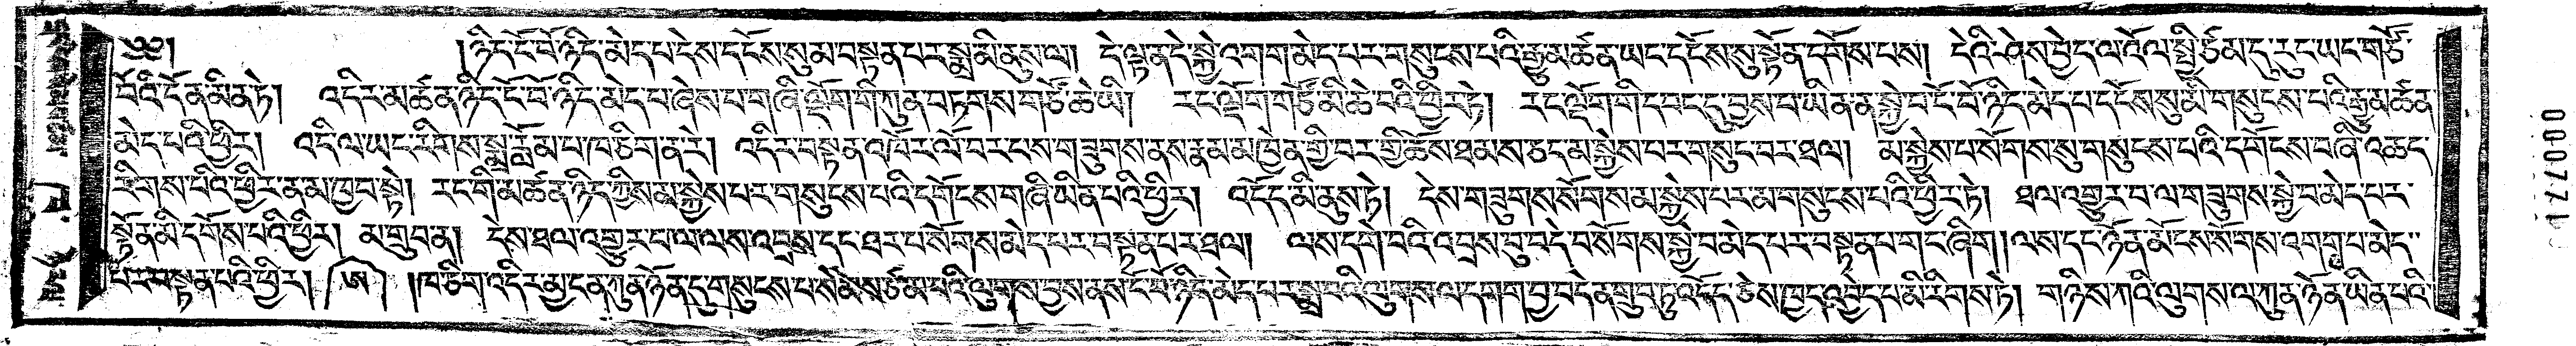༄༅། །ཉིད་ངོ་བོ་ཉིད་མེད་པ་དེས་དངོས་སུ་མ་བསྟན་པར་སྨྲ་མི་ནུས་ལ། དེ་ལྟ་ན་དེ་སྐྱེ་འགག་མེད་པར་གསུངས་པའི་རྒྱུ་མཚན་ཡང་དངོས་སུ་སྟོན་དགོས་པས། དེའི་ཤེས་བྱེད་ལ་འོལ་སྤྱི་ཙམ་དུ་རུང་ཡང་གཙོ་
བོའི་དོན་མིན་ཏེ། འདིར་མཚན་ཉིད་ངོ་བོ་ཉིད་མེད་པ་ཞེས་པ་གཞི་ལྡོག་གི་ཀུན་བཏགས་གཙོ་ཆེ་ཡི། རང་ལྡོག་གཙོ་མི་ཆེ་བའི་ཕྱིར་ཏེ། རང་ལྡོག་གི་དབང་དུ་བྱས་པ་ཡིན་ན་སྐྱེ་བ་ངོ་བོ་ཉིད་མེད་པ་དངོས་སུ་མི་གསུངས་པའི་རྒྱུ་མཚན་
མེད་པའི་ཕྱིར། འདི་ལ་ཡང་རིགས་སྨྲ་རློམ་པ་ཁ་ཅིག་ན་རེ། འདིར་བསྟན་འཁོར་ལོ་བར་པས་གཟུགས་ནས་རྣམ་མཁྱེན་གྱི་བར་གྱི་ཆོས་ཐམས་ཅད་མ་སྐྱེས་པར་གསུང་བར་ཐལ། མ་སྐྱེས་པ་སོགས་སུ་གསུངས་པའི་དགོངས་བཞི་འཆད་
རིགས་པའི་ཕྱིར་ན་མ་ཁྱབ་སྟེ། རང་གི་མཚན་ཉིད་ཀྱིས་མ་སྐྱེས་པར་གསུངས་པའི་དགོངས་གཞི་ཡིན་པའི་ཕྱིར། འདོད་མི་ནུས་ཏེ། དེས་གཟུགས་སོགས་མ་སྐྱེས་པར་མ་གསུངས་པའི་ཕྱིར་ཏེ། ཐལ་འགྱུར་བ་ལ་གཟུགས་སྐྱེ་བ་མེད་པར་
སྟོན་མི་དགོས་པའི་ཕྱིར། མ་གྲུབ་ན། དེས་ཐལ་འགྱུར་བ་ལ་ལས་འབྲས་དང་ཐར་པ་སོགས་མེད་པར་བསྟན་པར་ཐལ། ལས་དགེ་བའི་འབྲས་བུ་བདེ་བ་སོགས་སྐྱེ་བ་མེད་པར་བསྟན་པ་གང་ཞིག །ལས་དང་ཉོན་མོངས་སོགས་འགག་པ་མེད་
པར་བསྟན་པའི་ཕྱིར། ༼ཨ༽ །ཁ་ཅིག་འདིར་མྱ་ངན་ཀུན་ཉོན་དུ་གསུངས་པ་སེམས་ཙམ་པའི་ལུགས་བྱས་ནས་ངོ་བོ་ཉིད་མེད་པར་སྨྲ་བའི་ལུགས་ལ་དགག་བྱ་བདེན་གྲུབ་ཏུ་འདོད་ཅེས་ཁྱད་འབྱེད་པ་མི་རིགས་ཏེ། གཉིས་ཀའི་ལུགས་ལ་ཀུན་ཉོན་ཡིན་པའི་